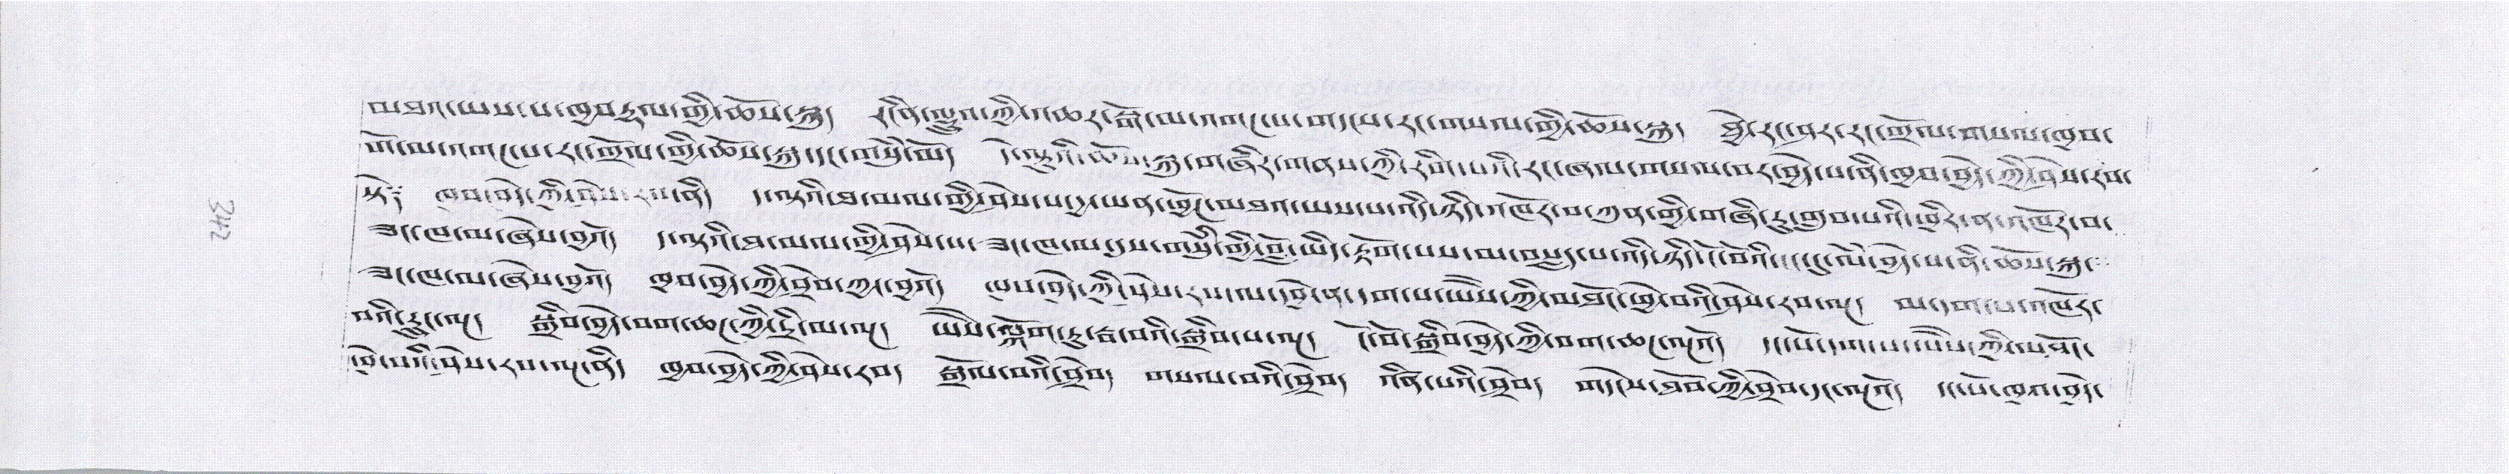མཐའ་ཡས་པ་ཁྱབ་བརྡལ་གྱི་ཆོས་སྐུ། རང་བཞིན་ལྷུན་གྲུབ་ཀྱི་འཆར་སྒོ་མ་འགགས་པ་གདངས་རང་གསལ་གྱི་ཆོས་སྐུ། ཐུགས་རྗེ་རང་ཤར་རང་གྲོལ་གསལ་ཁྱབ་
གོ་མ་འགགས་པ་རང་གྲོལ་གྱི་ཆོས་སྐུ་དང་གསུམ་མོ། དེ་ལྟ་བུའི་ཆོས་སྐུ་གཞིར་གནས་ཀྱི་རིག་པའི་རང་ཞལ་གསལ་བར་བྱེད་པ་ནི་ཁྱབ་བྱེད་ཀྱི་ཤེས་རབ་
སྟེ། ཁྱབ་བྱེད་ཀྱི་ཤེས་རབ་ནི། ད་ལྟའི་ཐ་མལ་གྱི་ཤེས་པ་རྒྱ་ཡན་ཕྱོགས་མཐའ་ཡས་པ་འདི་ཉིད་འཁོར་བ་ཀུན་གྱི་གཞི་རུ་གྲུབ་པའི་ཕྱིར་ན་འཁོར་བ་
ཟང་ཁ་མ་ཞེས་བྱའོ། ད་ལྟའི་ཐ་མལ་གྱི་ཤེས་པ་ཟང་ཁ་མ་དུས་གསུམ་གྱི་བློ་ཡིད་རྟོག་པས་མ་བསླད་པ་འདི་ཉིད་ངོ་བོའི་ངང་དུ་ལམ་བྱེད་པ་ནི་ཆོས་སྐུ་
ཟང་ཁ་མ་ཞེས་བྱའོ། ཁྱབ་བྱེད་ཀྱི་ཤེས་རབ་ཀྱང་བྱའོ། ཁྱབ་བྱེད་ཀྱི་ཤེས་རབ་ལ་དབྱེ་ན་དག་པ་ཡེ་ཤེས་ཀྱི་མཐོང་ཕྱེ་བའི་ཤེས་རབ་ལྔ། མ་དག་པ་འཁོར་
བའི་རླུང་ལྔ། སྒྲིབ་བྱེད་བག་ཆགས་ཀྱི་དྲི་མ་ལྔ། ཡེ་ཤེས་ལྐོག་ཏུ་རྦ་བའི་སྒྲིབ་པ་ལྔ། ངོ་བོ་སྒྲིབ་བྱེད་ཀྱི་བག་ཆགས་ལྔའོ། དང་པོ་དག་པ་ཡེ་ཤེས་ཀྱི་མཐོང་
ཕྱེ་བའི་ཤེས་རབ་ལྔ་ནི། ཁྱབ་བྱེད་ཀྱི་ཤེས་རབ། སྒྲོལ་བའི་ཤེས་རབ། གསལ་བའི་ཤེས་རབ། འཛིན་པའི་ཤེས་རབ། གདེངས་ཐོབ་ཀྱི་ཤེས་རབ་དང་ལྔའོ། དང་པོ་ཁྱབ་བྱེད་